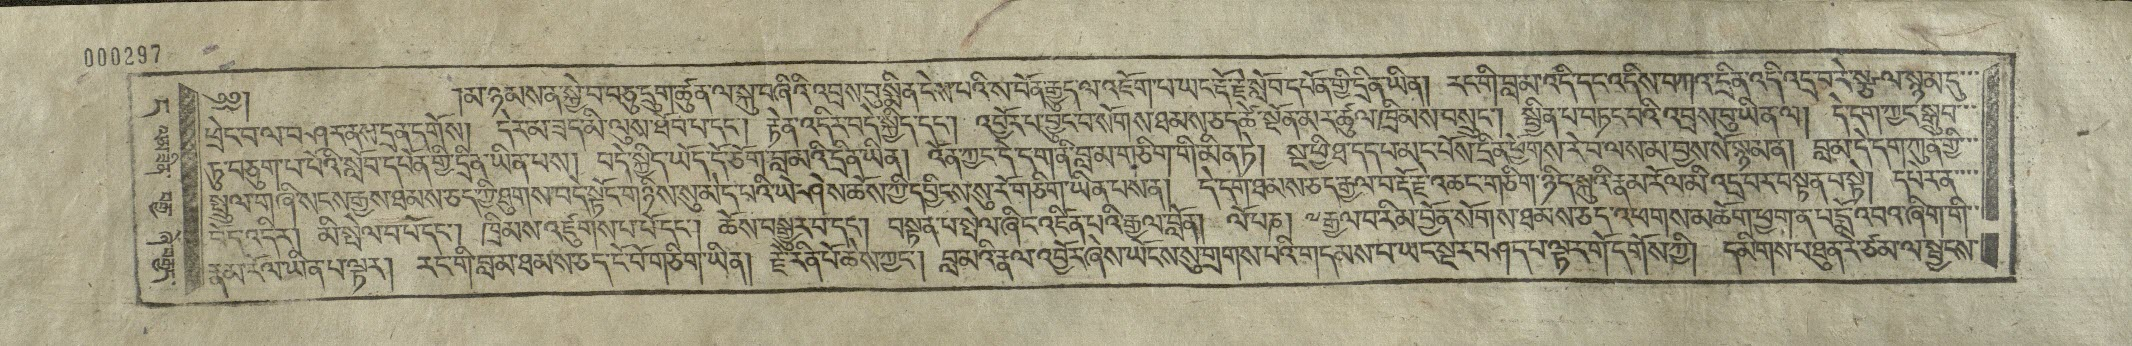༄༅། །མ་ཉམས་ན་སྐྱེ་བ་བཅུ་དྲུག་ཚུན་ལ་སྐུ་བཞིའི་འབྲས་བུ་སྨིན་ངེས་པའི་ས་བོན་རྒྱུད་ལ་འཇོག་པ་ཡང་རྡོ་རྗེ་སློབ་དཔོན་གྱི་དྲིན་ཡིན། རང་གི་བླ་མ་འདི་དང་འདིས་བཀའ་དྲིན་འདི་འདྲ་བ་རེ་སྩལ་སྙམ་དུ་
ཕྲེང་བ་ལ་བཤར་ནས་དྲན་དགོས། དེར་མ་ཟད་མི་ལུས་ཐོབ་པ་དང་། རྟེན་འདིར་བདེ་སྐྱིད་དང་། འབྱོར་པ་བྱུང་བ་སོགས་ཐམས་ཅད་ཚེ་སྔོན་མར་ཚུལ་ཁྲིམས་བསྲུང་། སྦྱིན་པ་བཏང་བའི་འབྲས་བུ་ཡིན་ལ། དེ་དག་ཀྱང་སྒྲུབ་
ཏུ་བཅུག་པ་པོའི་སློབ་དཔོན་གྱི་དྲིན་ཡིན་པས། བདེ་སྐྱིད་ཡོད་དོ་ཅོག་བླ་མའི་དྲིན་ཡིན། འོན་ཀྱང་དེ་དག་ནི་བླ་མ་གཅིག་གི་མིན་ཏེ། སྔ་ཕྱི་ཐ་དད་པ་མང་པོས་དྲིན་ཕྱོགས་རེ་བ་ལས་མ་བྱས་སོ་སྙམ་ན། བླ་མ་དེ་དག་ཀུན་གྱི་
སྤྲུལ་གཞི་སངས་རྒྱས་ཐམས་ཅད་ཀྱི་ཐུགས་བདེ་སྟོང་གཉིས་སུ་མེད་པའི་ཡེ་ཤེས་ཆོས་ཀྱི་དབྱིངས་སུ་རོ་གཅིག་ཡིན་པས་ན། དེ་དག་ཐམས་ཅད་རྒྱལ་བ་རྡོ་རྗེ་འཆང་གཅིག་ཉིད་སྐུའི་རྣམ་རོལ་མི་འདྲ་བར་བསྟན་པ་སྟེ། དཔེར་ན་
བོད་འདིར། མི་སྤེལ་བ་པོ་དང་། ཁྲིམས་འཛུགས་པ་པོ་དང་། ཆོས་བསྒྱུར་བ་དང་། བསྟན་པ་སྤེལ་ཞིང་འཛིན་པའི་རྒྱལ་བློན། ལོ་པཎ། ༧རྒྱལ་བ་རིམ་བྱོན་སོགས་ཐམས་ཅད་འཕགས་མཆོག་ཕྱག་ན་པདམོ་འབའ་ཞིག་གི་
རྣམ་རོལ་ཡིན་པ་ལྟར། རང་གི་བླ་མ་ཐམས་ཅད་ངོ་བོ་གཅིག་ཡིན། རྗེ་རིན་པོ་ཆེས་ཀྱང་། བླ་མའི་རྣལ་འབྱོར་ཞེས་ཡོངས་སུ་གྲགས་པའི་གདམས་པ་ཡང་སྔར་བཤད་པ་ལྟར་གོ་དགོས་ཀྱི། དམིགས་པ་ཐུན་རེ་ཙམ་ལ་སྦྱངས་